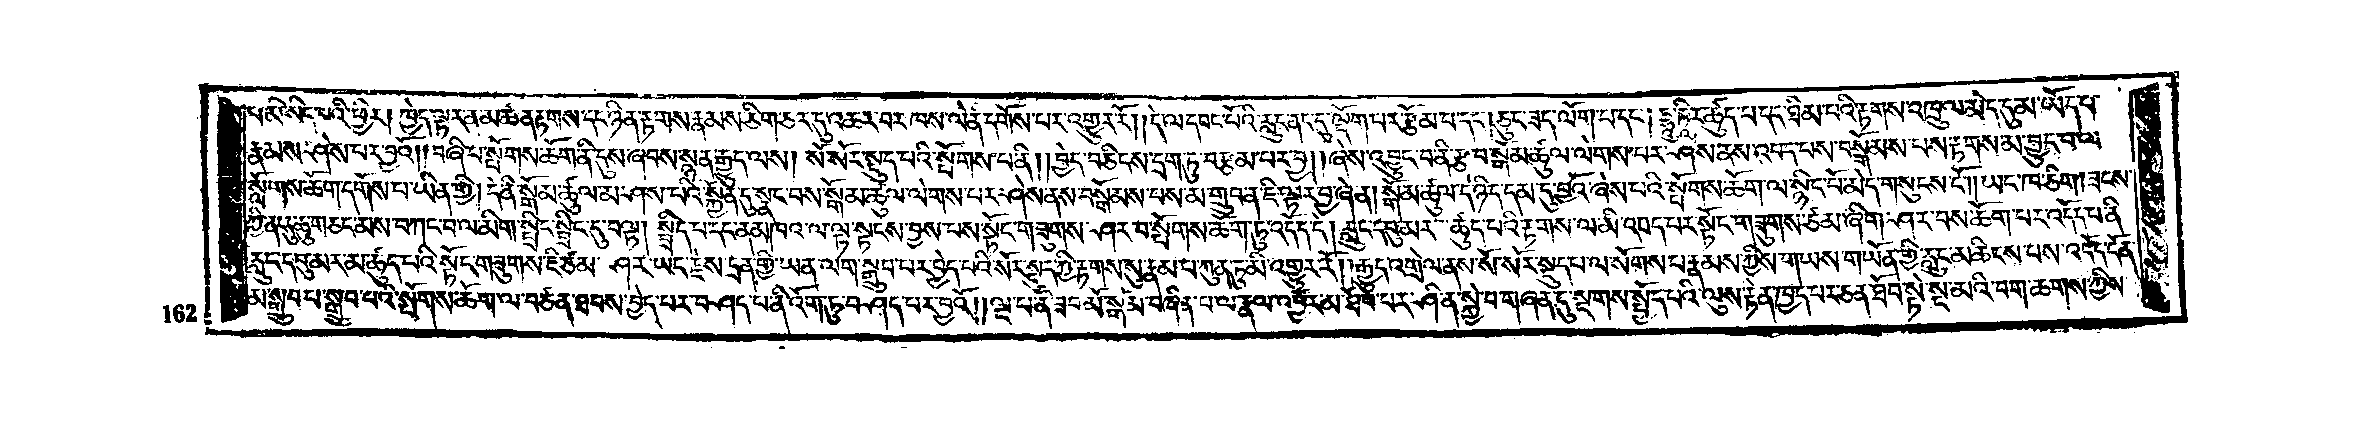པ་མི་སྲིད་པའི་ཕྱིར། ཁྱེད་ལྟར་ན་མཚན་རྟགས་དང་ཉིན་རྟགས་རྣམས་ཅིག་ཅར་དུ་འཆར་བར་ཁས་ལེན་དགོས་པར་འགྱུར་རོ། །དེ་ལ་དབང་པོའི་རླུང་ནང་དུ་ལྡོག་པར་རྩོམ་པ་དང་། ཅུང་ཟད་ལོག་པ་དང་། དྷཱུ་ཏཱིར་ཚུད་པ་དང་ཐིམ་པའི་རྟགས་འཁྲུལ་མེད་དུ་མ་ཡོད་པ་
རྣམས་ཤེས་པར་བྱའོ། །བཞི་པ་སྤོགས་ཆོག་ནི་དུས་ཞབས་སྙན་རྒྱུད་ལས། སོ་སོར་སྡུད་པའི་སྤོགས་པ་ནི། །བྱེད་བཅིངས་དྲག་ཏུ་བརྩམ་པར་བྱ། །ཞེས་འབྱུང་བ་ནི་རྩ་བ་སྒོམ་ཚུལ་ལེགས་པར་ཤེས་ནས་འབད་པས་བསྒོམས་པས་རྟགས་མ་བྱུང་བ་ལ་
སློགས་ཆོག་དགོས་པ་ཡིན་གྱི། དེ་ནི་སྒོམ་ཚུལ་མ་ཤེས་པའི་སྐྱོན་དུ་སྣང་བས་སྒོམ་ཚུལ་ལེགས་པར་ཤེས་ནས་བསྒོམས་པས་མ་གྲུབ་ན་ཇི་ལྟར་བྱ་ཞེ་ན། སྒོམ་ཚུལ་དེ་ཉིད་དམ་དུ་བྱའོ་ཞེས་པའི་སྤོགས་ཆོག་ལ་སྙིང་པོ་མེད་གསུངས་ངོ། །ཡང་ཁ་ཅིག །ཟངས་
ཀྱི་ནང་དུ་ཆུ་གཙང་མས་བཀང་བ་ལ་མིག་སྤྲིང་སྤྲིང་དུ་བལྟ། སྤྲིད་པ་དང་ནམ་མཁའ་ལ་ལྟ་སྟངས་བྱས་པས་སྟོང་གཟུགས་ཤར་བ་སྤོགས་ཆོག་ཏུ་འདོད་དེ། རླུང་དབུ་མར་ཚུད་པའི་རྟགས་ལ་མི་འབད་པར་སྟོང་གཟུགས་ཙམ་ཞིག་ཤར་བས་ཆོག་པར་འདོད་པ་ནི་
རླུང་དབུ་མར་མ་ཚུད་པའི་སྟོང་གཟུགས་ཇི་ཙམ་ཤར་ཡང་རྗེས་དྲན་གྱི་ཡན་ལག་སྒྲུབ་པར་བྱེད་པའི་སོར་སྡུད་ཀྱི་རྟགས་སུ་རྣམ་པ་ཀུན་ཏུ་མི་འགྱུར་རོ། །རྒྱུད་འགྲེལ་ནས་སོ་སོར་སྡུད་པ་ལ་སོགས་པ་རྣམས་ཀྱིས་གཡས་གཡོན་གྱི་རླུང་མཆིངས་པས་འདོད་དོན་
མ་སྒྲུབ་པ་སྒྲུབ་པའི་སྤོགས་ཆོག་ལ་བཙན་ཐབས་བྱེད་པར་བཤད་པ་ནི་འོག་ཏུ་བཤད་པར་བྱའོ། །ལྔ་པ་ནི་ཟབ་མོ་སྒོམ་བཞིན་པ་ལ་རྣལ་འབྱོར་མ་ཐོབ་པར་ཤི་ན་སྐྱེ་བ་གཞན་དུ་སྔགས་སྤྱོད་པའི་ལུས་རྟེན་ཁྱད་པར་ཅན་ཐོབ་སྟེ་སྔ་མའི་བག་ཆགས་ཀྱིས་